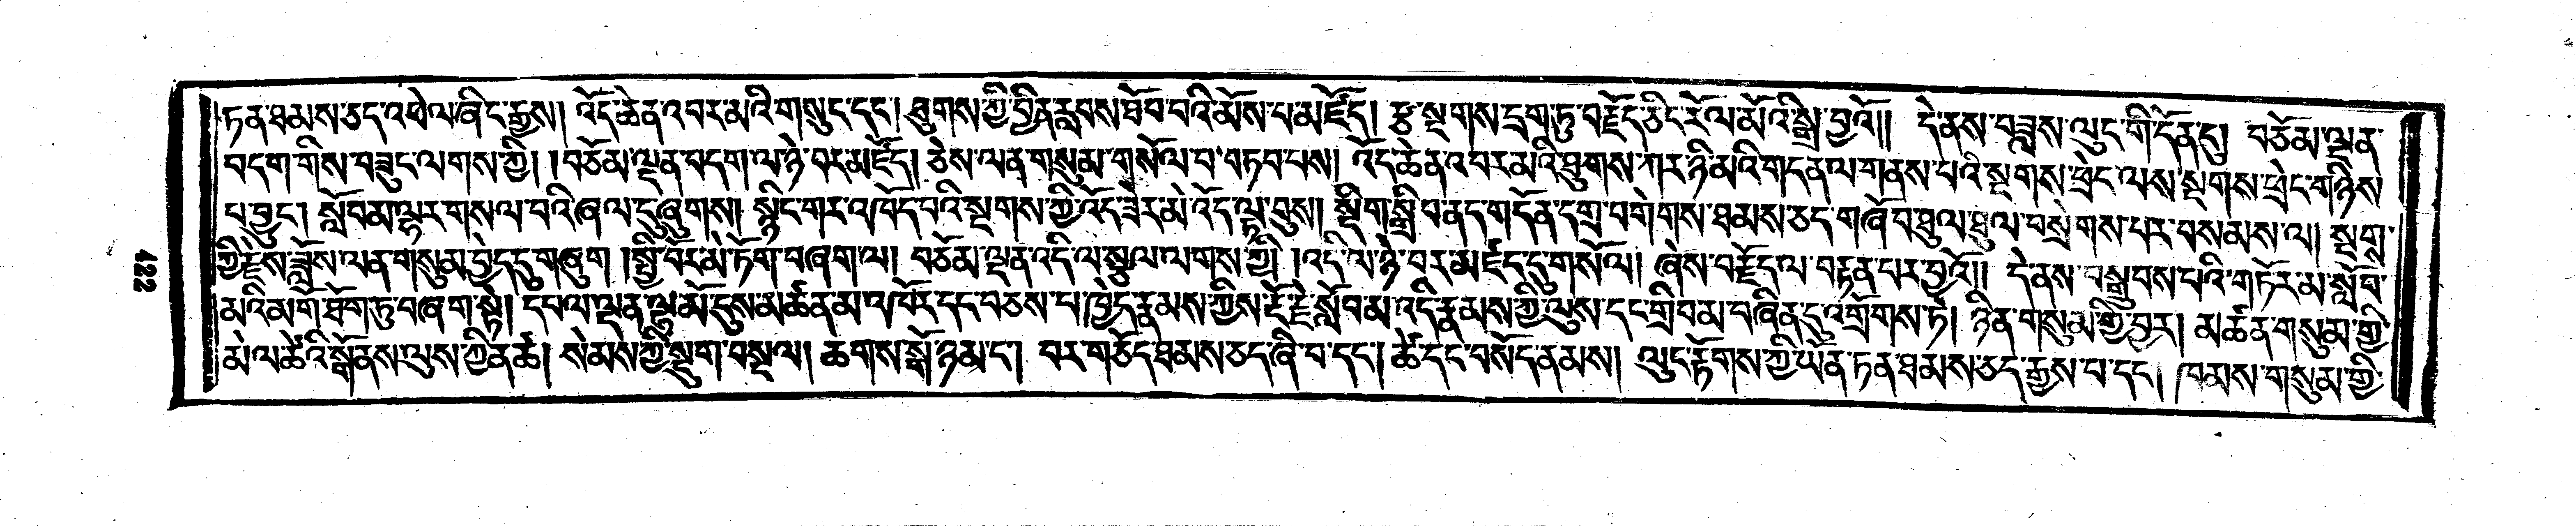ཏན་ཐམས་ཅད་འཕེལ་ཞིང་རྒྱས། འོད་ཆེན་འབར་མའི་གསུང་དང་། ཐུགས་ཀྱི་བྱིན་རླབས་ཐོབ་པའི་མོས་པ་མཛོད། རྩ་སྔགས་དྲག་ཏུ་བརྗོད་ཅིང་རོལ་མོའི་སྒྲ་བྱའོ།། དེ་ནས་བཟླས་ལུང་གི་དོན་དུ། བཅོམ་ལྡན་
བདག་གིས་བཟུང་ལགས་ཀྱི། །བཅོམ་ལྡན་འདས་ལ་ཉེ་བར་མཛོད། ཅེས་ལན་གསུམ་གསོལ་བ་བཏབ་པས། འོད་ཆེན་འབར་མའི་ཐུགས་ཀར་ཉི་མའི་གདན་ལ་གནས་པའི་སྔགས་ཕྲེང་ལས་སྔགས་ཕྲེང་གཉིས་
པ་བྱུང་། སློབ་མ་ལྷར་གསལ་བའི་ཞལ་དུ་ཞུགས། སྙིང་གར་འཁོར་བའི་སྔགས་ཀྱི་འོད་ཟེར་མེ་འོད་ལྟ་བུས། སྡིག་སྒྲིབ་ནད་གདོན་དགྲ་བགེགས་ཐམས་ཅད་གཞོབ་ཐུལ་ཐུལ་བསྲེགས་པར་བསམས་ལ། སྔགས་
ཀྱི་རྗེས་ཟློས་ལན་གསུམ་བྱེད་དུ་བཞུག །སྤྱི་བོར་མེ་ཏོག་བཞག་ལ། བཅོམ་ལྡན་འདི་ལ་སྩལ་ལགས་ཀྱི། །འདི་ལ་ཉེ་བར་མཛད་དུ་གསོལ། ཞེས་བརྗོད་ལ་བརྟན་པར་བྱའོ།། དེ་ནས་བསྒྲུབས་པའི་གཏོར་མ་སློབ་
མའི་མགོ་ཐོག་ཏུ་བཞག་སྟེ། དཔལ་ལྡན་ལྷ་མོ་དུས་མཚན་མ་འཁོར་དང་བཅས་པ་ཁྱེད་རྣམས་ཀྱིས་རྡོ་རྗེ་སློབ་མ་འདི་རྣམས་ཀྱི་ལུས་དང་གྲིབ་མ་བཞིན་དུ་འགྲོགས་ཏེ། ཉིན་གསུམ་གྱི་བྱ་ར། མཚན་གསུམ་གྱི་
མེལ་ཚེའི་སྒོ་ནས་ལུས་ཀྱི་ན་ཚ། སེམས་ཀྱི་སྡུག་བསྔལ། ཆགས་སྒོ་ཉམ་ང་། བར་གཅོད་ཐམས་ཅད་ཞི་བ་དང་། ཚེ་དང་བསོད་ནམས། ལུང་རྟོགས་ཀྱི་ཡོན་ཏན་ཐམས་ཅད་རྒྱས་པ་དང་། ཁམས་གསུམ་གྱི་